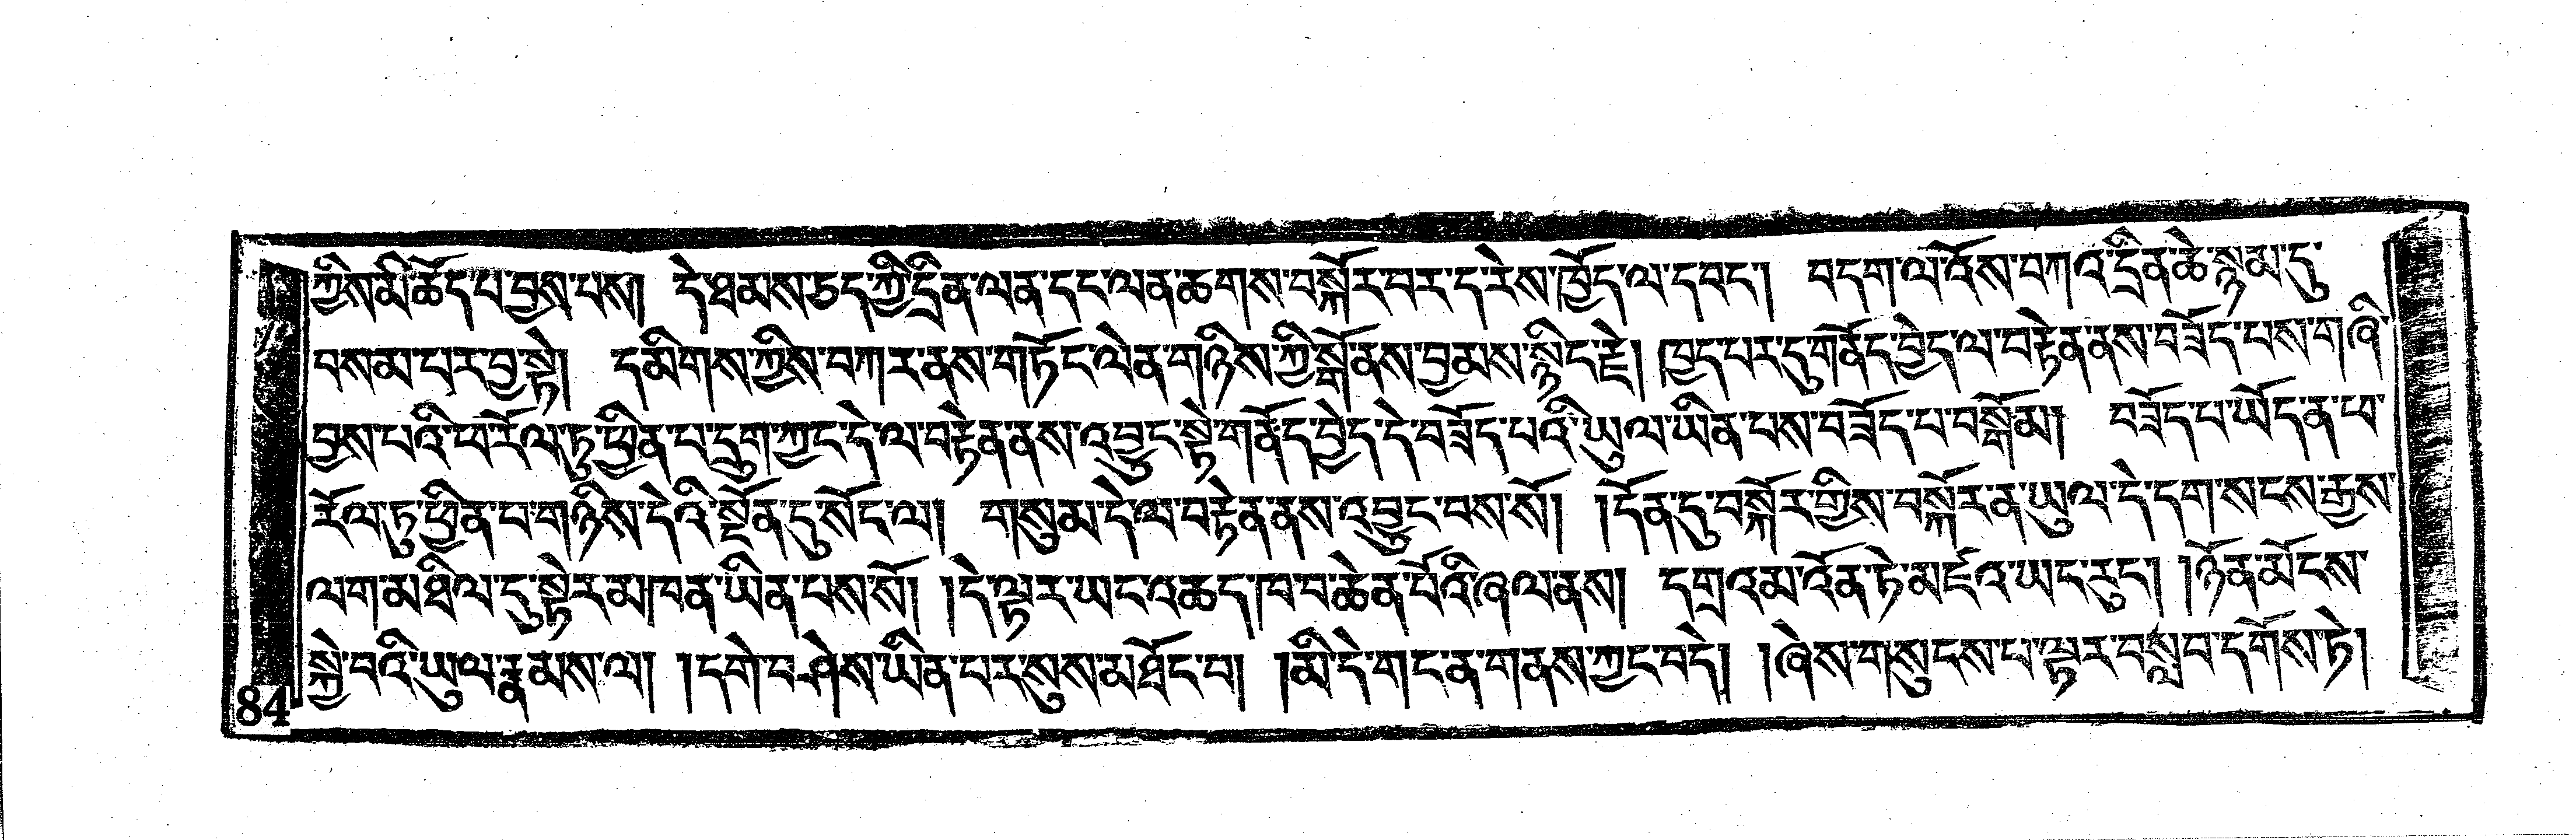ཀྱིས་མི་ཆོད་པ་བྱས་པས། དེ་ཐམས་ཅད་ཀྱི་དྲིན་ལན་དང་ལན་ཆགས་བསྐོར་བར་ད་རེས་ཁྱོད་ལ་དབང་། བདག་ལ་འོས་བཀའ་དྲིན་ཆེ་སྙམ་དུ་
བསམ་པར་བྱ་སྟེ། དམིགས་ཀྱིས་བཀར་ནས་གཏོང་ལེན་གཉིས་ཀྱི་སྒོ་ནས་བྱམས་སྙིང་རྗེ། ཁྱད་པར་དུ་གནོད་བྱེད་ལ་བརྟེན་ནས་བཟོད་པས་གཞི་
བྱས་པའི་ཕ་རོལ་ཏུ་ཕྱིན་པ་དྲུག་ཀྱང་དེ་ལ་བརྟེན་ནས་འབྱུང་སྟེ་གནོད་བྱེད་དེ་བཟོད་པའི་ཡུལ་ཡིན་པས་བཟོད་པ་བསྒོམ། བཟོད་པ་ཡོད་ན་ཕ་
རོལ་ཏུ་ཕྱིན་པ་གཉིས་དེའི་སྔོན་དུ་སོང་ལ། གསུམ་དེ་ལ་བརྟེན་ནས་འབྱུང་བས་སོ། །དོན་དུ་བསྐོར་གྱིས་བསྐོར་ན་ཡུལ་དེ་དག་སངས་རྒྱས་
ལག་མཐིལ་དུ་སྟེར་མཁན་ཡིན་པས་སོ། །དེ་ལྟར་ཡང་འཆད་ཁ་བ་ཆེན་པོའི་ཞལ་ནས། དགྲའམ་འོན་ཏེ་མཛའ་ཡང་རུང་། །ཉོན་མོངས་
སྐྱེ་བའི་ཡུལ་རྣམས་ལ། །དགེ་བཤེས་ཡིན་པར་སུས་མཐོང་བ། །མི་དེ་གང་ན་གནས་ཀྱང་བདེ། །ཞེས་གསུངས་པ་ལྟར་བསླབ་དགོས་ཏེ།